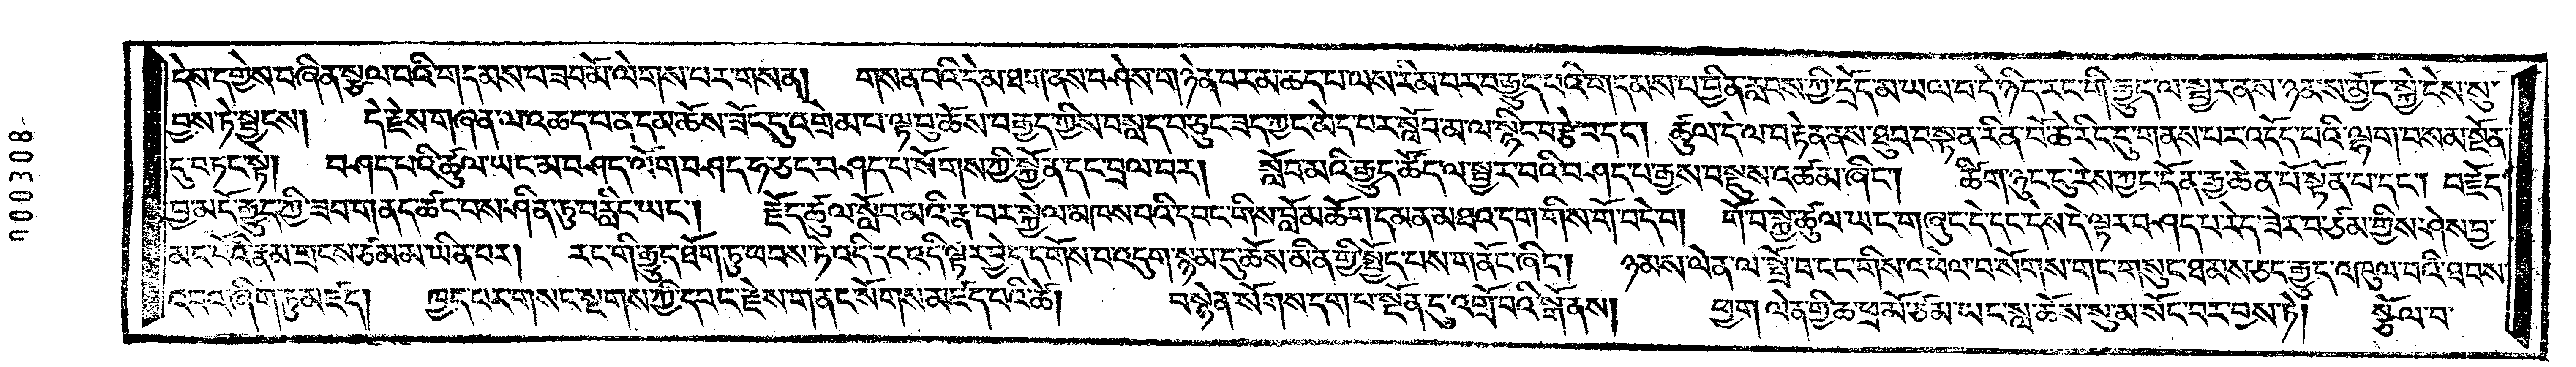དེས་དགྱེས་བཞིན་སྩལ་བའི་གདམས་པ་ཟབ་མོ་ལེགས་པར་གསན། གསན་པའི་དེ་མ་ཐག་ནས་བཤེས་གཉེན་བར་མ་ཆད་པ་ལས་རིམ་པར་བརྒྱུད་པའི་གདམས་པ་བྱིན་རླབས་ཀྱི་དྲོད་མ་ཡལ་བ་དེ་ཉིད་རང་གི་རྒྱུད་ལ་སྦྱར་ནས་ཉམས་མྱོང་སྐྱེ་ངེས་སུ་
བྱས་ཏེ་སྦྱངས། དེ་རྗེས་གཞན་ལ་འཆད་པ་ན་དམ་ཆོས་ཟོལ་དུ་འགྲེམ་པ་ལྟ་བུ་ཆོས་བརྒྱད་ཀྱིས་བསླད་བ་ཅུང་ཟད་ཀྱང་མེད་པར་སློབ་མ་ལ་སྙིང་བརྩེ་བ་དང་། ཚུལ་དེ་ལ་བརྟེན་ནས་ཐུབ་བསྟན་རིན་པོ་ཆེ་རིང་དུ་གནས་པར་འདོད་པའི་ལྷག་བསམ་སྔོན་
དུ་བཏང་སྟེ། བཤད་པའི་ཚུལ་ཡང་མ་བཤད་ལོག་བཤད་ཧ་ཅང་བཤད་པ་སོགས་ཀྱི་སྐྱོན་དང་བྲལ་བར། སློབ་མའི་རྒྱུད་ཚོད་ལ་སྦྱར་བའི་བཤད་པ་རྒྱས་བསྡུས་འཚམ་ཞིང་། ཚིག་ཉུང་དུ་རེས་ཀྱང་དོན་རྒྱ་ཆེན་པོ་སྟོན་པ་དང་། བརྗོད་
བྱ་མདོ་རྒྱུད་ཀྱི་ཟབ་གནད་ཚང་བས་ཤིན་ཏུ་བརླིང་ཡང་། རྫོད་ཚུལ་སློབ་མའི་རྣམ་བར་སྐྱེལ་མཁས་པའི་དབང་གིས་བློ་མཆོག་དམན་མཐའ་དག་གིས་གོ་བདེ་བ། གོ་བ་སྐྱེ་ཚུལ་ཡང་གཞུང་དེ་དང་དེས་དེ་ལྟར་བཤད་པ་རེད་ཟེར་བ་ཙམ་གྱིས་ཤེས་བྱ་
མང་པོའི་རྣམ་གྲངས་ཙམ་མ་ཡིན་བར། རང་གི་རྒྱུད་ཐོག་ཏུ་ཕབས་ཏེ་འདི་དང་འདི་ལྟར་བྱེད་དགོས་པ་འདུག་སྙམ་དུ་ཆོས་མིན་གྱི་སྤྱོད་པས་གནོང་ཞིང་། ཉམས་ལེན་ལ་སྤྲོ་བ་དང་གིས་འཕེལ་བ་སོགས་གང་གསུངས་ཐམས་ཅད་རྒྱུད་འཁུལ་བའི་ཐབས་
འབའ་ཞིག་ཏུ་མཛད། ཁྱད་པར་གསང་སྔགས་ཀྱི་དབང་རྗེས་གནང་སོགས་མཛད་བའི་ཚེ། བསྙེན་སོགས་དག་པ་སྔོན་དུ་འགྲོ་བའི་སྒོ་ནས། ཕྱག་ལེན་གྱི་ཆ་ཕྲ་མོ་ཙམ་ཡང་སླ་ཆོས་སུ་མ་སོང་བར་བྱས་ཏེ། སྩོལ་བ་